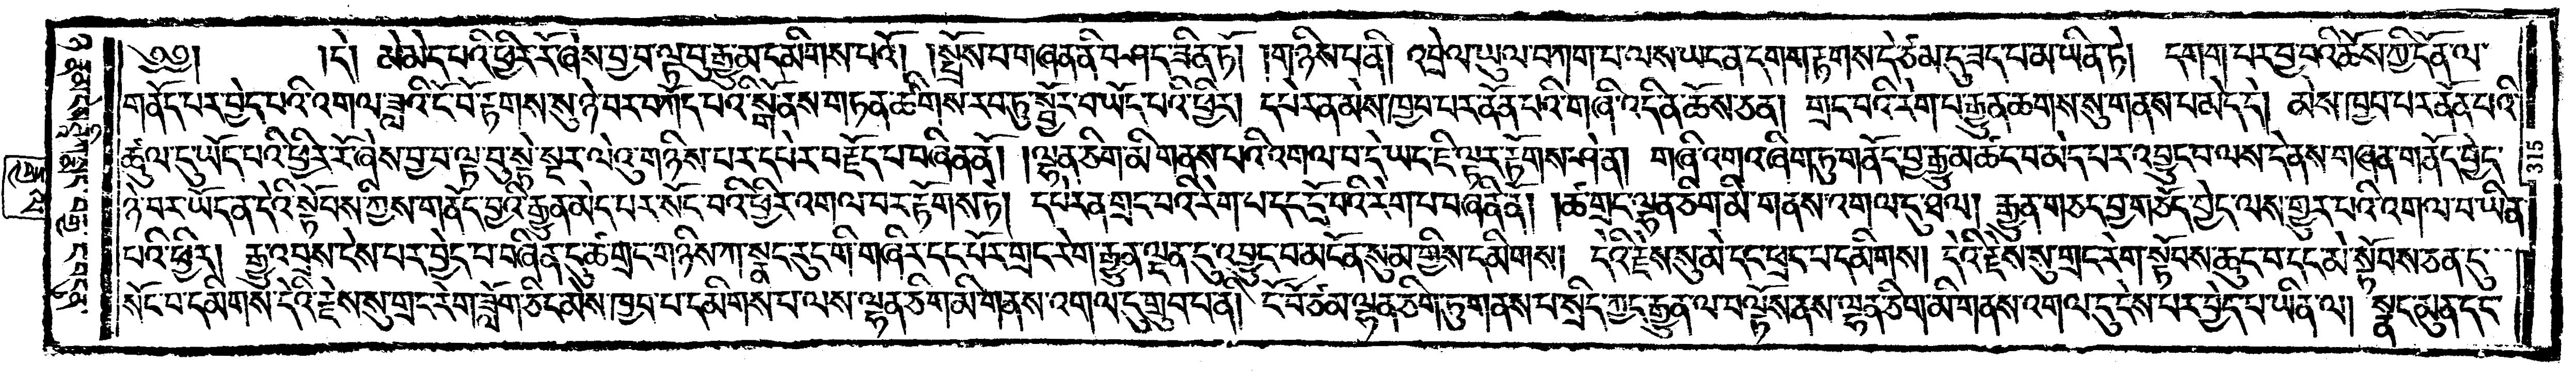༄༅། །དེ། མེ་མེད་པའི་ཕྱིར་རོ་ཞེས་བྱ་བ་ལྟ་བུ་རྒྱུ་མ་དམིགས་པའོ། །སྤྲོས་པ་གཞན་ནི་བཤད་ཟིན་ཏོ། །གཉིས་པ་ནི། འབྲེལ་ཡུལ་བཀག་པ་ལས་ཡང་ན་དགག་རྟགས་དེ་ཙམ་དུ་ཟད་པ་མ་ཡིན་ཏེ། དགག་པར་བྱ་བའི་ཆོས་ཀྱི་དོན་ལ་
གནོད་པར་བྱེད་པའི་འགལ་ཟླའི་ངོ་བོ་རྟགས་སུ་ཉེ་བར་བཀོད་པའི་སྒོ་ནས་གཏན་ཚིགས་རབ་ཏུ་སྦྱོར་བ་ཡོད་པའི་ཕྱིར། དཔེར་ན་མེས་ཁྱབ་པར་ནོན་པའི་གཞི་འདི་ན་ཆོས་ཅན། གྲང་བའི་རེག་པ་རྒྱུན་ཆགས་སུ་གནས་པ་མེད་དེ། མེས་ཁྱབ་པར་ནོན་པའི་
ཚུལ་དུ་ཡོད་པའི་ཕྱིར་རོ་ཞེས་བྱ་བ་ལྟ་བུ་སྟེ་སྔར་ལེའུ་གཉིས་པར་དཔེར་བརྗོད་པ་བཞིན་ནོ། །ལྷན་ཅིག་མི་གནས་པའི་འགལ་བ་དེ་ཡང་ཇི་ལྟར་རྟོགས་ཤེ་ན། གཞི་འགའ་ཞིག་ཏུ་གནོད་བྱ་རྒྱུ་མ་ཚང་བ་མེད་པར་འབྱུང་བ་ལས་དེ་ནས་གཞན་གནོད་བྱེད་
ཉེ་བར་ཡོད་ན་དེའི་སྟོབས་ཀྱིས་གནོད་བྱའི་རྒྱུན་མེད་པར་སོང་བའི་ཕྱིར་འགལ་བར་རྟོགས་ཏེ། དཔེར་ན་གྲང་བའི་རེག་པ་དང་དྲོ་བའི་རེག་པ་བཞིན་ནོ། །ཚ་གྲང་ལྷན་ཅིག་མི་གནས་འགལ་དུ་ཐལ། རྒྱུན་གཅད་བྱ་གཅོད་བྱེད་ལས་གྱུར་པའི་འགལ་བ་ཡིན་
པའི་ཕྱིར། རྒྱུ་འབྲས་ངེས་པར་བྱེད་པ་བཞིན་དུ་ཚ་གྲང་གཉིས་ཀ་སྣང་རུང་གི་གཞིར་དང་པོར་གྲང་རེག་རྒྱུན་ལྡན་དུ་འབྱུང་བ་མངོན་སུམ་གྱིས་དམིགས། དེའི་རྗེས་སུ་མེ་དང་ཕྲང་པ་དམིགས། དེའི་རྗེས་སུ་གྲང་རེག་སྟོབས་ཆུང་བ་དང་མེ་སྟོབས་ཅན་དུ་
སོང་བ་དམིགས་དེའི་རྗེས་སུ་གྲང་རེག་ཟློག་ཅིང་མེས་ཁྱབ་པ་དམིགས་པ་ལས་ལྷན་ཅིག་མི་གནས་འགལ་དུ་གྲུབ་པ་ནི། ངོ་བོ་ཙམ་ལྷན་ཅིག་ཏུ་གནས་པ་སྲིད་ཀྱང་རྒྱུན་ལ་བལྟོས་ནས་ལྷན་ཅིག་མི་གནས་འགལ་དུ་ངེས་པར་བྱེད་པ་ཡིན་ལ། སྣང་མུན་དང་